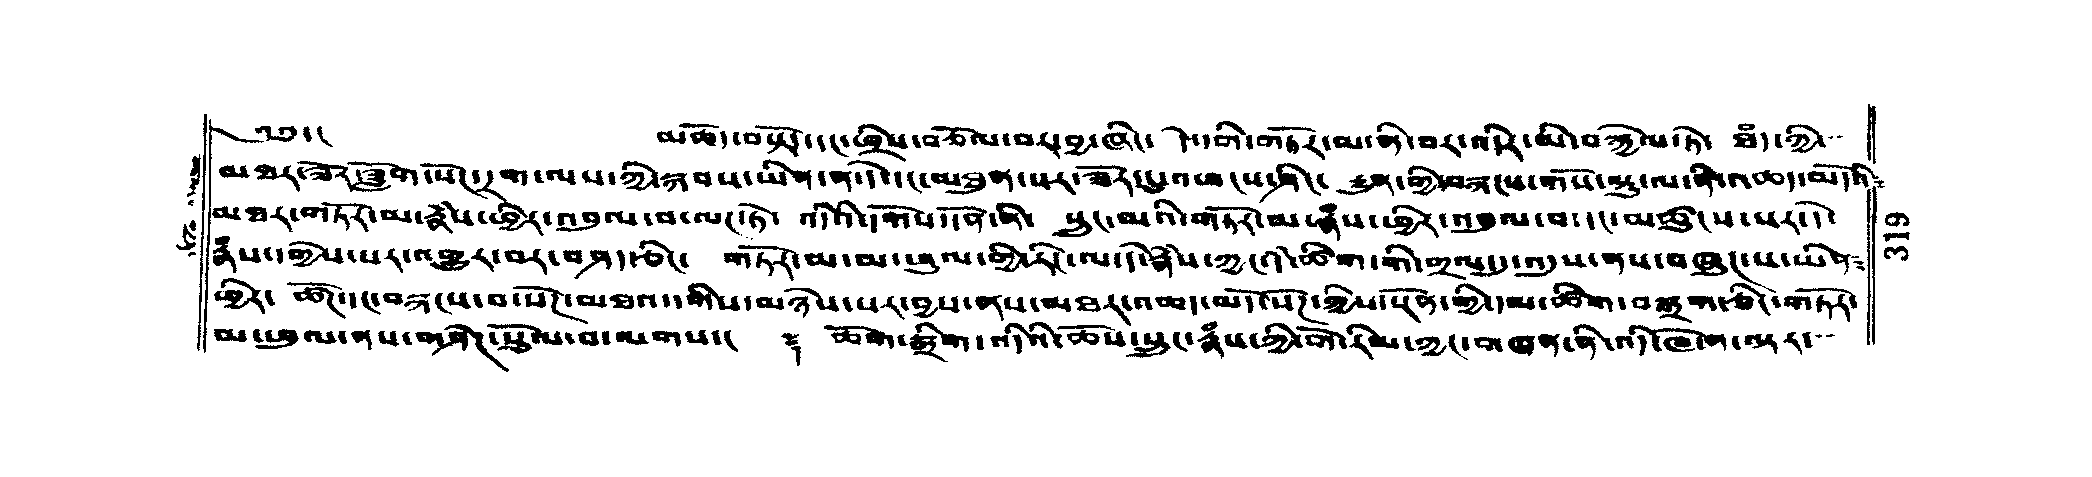མཆོད་བསྟོད་དང་ཕྲིན་ལས་བཅོལ་བར་བྱ་ཞིང་། དེ་དག་གི་གཏོར་མ་ནི་བར་འདིར་མི་བསྐྱེལ་ཏེ། ཐམས་ཅད་ཀྱི་
མཐར་ཟོར་བཟློག་སོགས་དྲག་ལས་ཀྱི་སྐབས་ཡིན་ན་དེ་དང་མཐུན་པར་ཟོར་དུ་འཕངས་ཤིང་། རྒྱུན་གྱི་བསྐང་གསོ་ལྟ་བུ་ལ་ནི་འཆད་མདོའི་
མཐར་གཏོར་མ་རྣམས་ཕྱིར་འབུལ་བ་ལགས་ཏེ།འདིའི་དགོས་དོན་ནི། སྲུང་མའི་གཏོར་མ་རྣམས་ཕྱིར་འབུལ་བ་དང་མཚུངས་པར་དེ་
རྣམས་དགྱེས་པར་འགྱུར་བར་བཤད་ཅིང་། གཏོར་མ་མ་ཕུལ་གྱི་རིང་ལ་དེ་རྣམ་ཀྱང་དམ་ཚིག་གི་གྲལ་དུ་འདུས་ནས་བཞུགས་པ་ཡིན་
ཕྱིར། ཚོགས་དག་བསྐང་བ་སོགས་མཐའ་དག་གིས་མཉེས་པར་བྱས་ནས་མཐར་འཆད་མདོ་སོགས་ཀྱིས་སྔོན་གྱི་དམ་ཚིག་བསྒྲག་ཅིང་གཏོར་
མ་ཕུལ་ནས་གཤེགས་སུ་གསོལ་བ་ལགས། ༈ ཆོག་སྒྲིག་འདིའི་ཆོས་སྲུང་རྣམས་ཀྱིས་གོ་རིམ་ཀྱང་གཞན་ནི་འདི་ཁོ་ན་ལྟར་